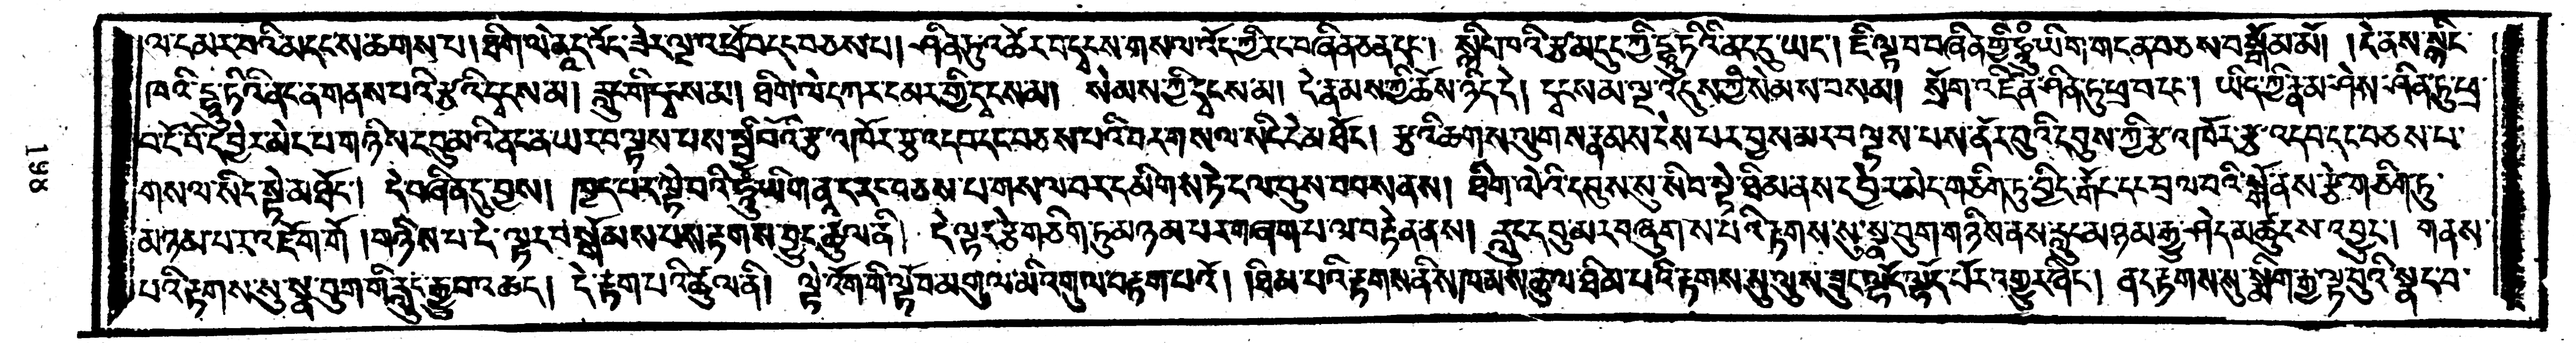ལ་དམར་བའི་མདངས་ཆགས་པ། ཐིག་ལེ་ནཱད་འོད་ཟེར་ལྔ་འཕྲོ་བ་དང་བཅས་པ། ཤིན་ཏུ་འཚེར་བ་དྭངས་གསལ་འོད་ཀྱི་རང་བཞིན་ཅན་དང་། སྙིང་ཁའི་རྩ་མདུང་ཀྱི་དྷཱུ་ཏིའི་ནང་དུ་ཡང་། ཇི་ལྟ་བ་བཞིན་གྱི་ཧཱུཾ་ཡིག་གདན་བཅས་བསྒོམ་མོ། །དེ་ནས་སྙིང་
ཁའི་དྷཱུ་ཏིའི་ནང་ན་གནས་པའི་རྩའི་དྭངས་མ། རླུང་གི་དྭངས་མ། ཐིག་ལེ་དཀར་དམར་གྱི་དྭངས་མ། སེམས་ཀྱི་དྭངས་མ། དེ་རྣམས་ཀྱི་ཆོས་ཉིད་དེ། དྭངས་མ་ལྔ་འདུས་ཀྱི་སེམས་བསམ། སྲོག་འཛིན་ཤིན་ཏུ་ཕྲ་བ་དང་། ཡིད་ཀྱི་རྣམ་ཤེས་ཤིན་ཏུ་ཕྲ་
བ་ངོ་བོ་དབྱེར་མེད་པ་གཉིས་དབུ་མའི་ནང་ན་ཡར་བལྟས་པས་སྤྱི་བོའི་རྩ་འཁོར་རྩ་འདབ་དང་བཅས་པའི་བར་གསལ་སིང་ངེ་མཐོང་། རྩའི་ཆགས་ལུགས་རྣམས་ངེས་པར་བྱས་མར་བལྟས་པས་ནོར་བུའི་དབུས་ཀྱི་རྩ་འཁོར་རྩ་འདབ་དང་བཅས་པ་
གསལ་སིང་སྟེ་མཐོང་། དེ་བཞིན་དུ་བྱས། ཁྱད་པར་ལྟེ་བའི་ཧཱུཾ་ཡིག་ནཱ་ང་རང་བཅས་པ་གསལ་བར་དམིགས་ཏེ་ངལ་བུས་བབས་ནས། ཐིག་ལེའི་དབུས་སུ་སིབ་སྟེ་ཐིམ་ནས་དབྱེར་མེད་གཅིག་ཏུ་བྱིད་རྒོད་དང་བྲལ་བའི་སྒོ་ནས་རྩེ་གཅིག་ཏུ་
མཉམ་པར་འཇོག་གོ །གཉིས་པ་དེ་ལྟར་བསྒོམས་པས་རྟགས་བྱུང་ཚུལ་ནི། དེ་ལྟར་རྩེ་གཅིག་ཏུ་མཉམ་པར་གཞག་པ་ལ་བརྟེན་ནས། རླུང་དབུ་མར་བཞུགས་པའི་རྟགས་སུ་སྣ་བུག་གཉིས་ནས་རླུང་མཉམ་རྒྱུ་ཤེད་མཚུངས་འབྱུང་། གནས་
པའི་རྟགས་སུ་སྣ་བུག་གི་རླུང་རྒྱུ་བ་འཆད། དེ་རྟག་པའི་ཚུལ་ནི། ལྟེ་འོག་གི་ལྟོ་བ་མགུལ་མི་འགུལ་བརྟག་པའོ། །ཐིམ་པའི་རྟགས་ནི་ས་ཁམས་ཆུ་ལ་ཐིམ་པའི་རྟགས་སུ་ལུས་ཟུང་ལྷོད་ལྷོད་པོར་འགྱུར་ཞིང་། ནང་རྟགས་སུ་སྨིག་རྒྱ་ལྟ་བུའི་སྣང་བ་